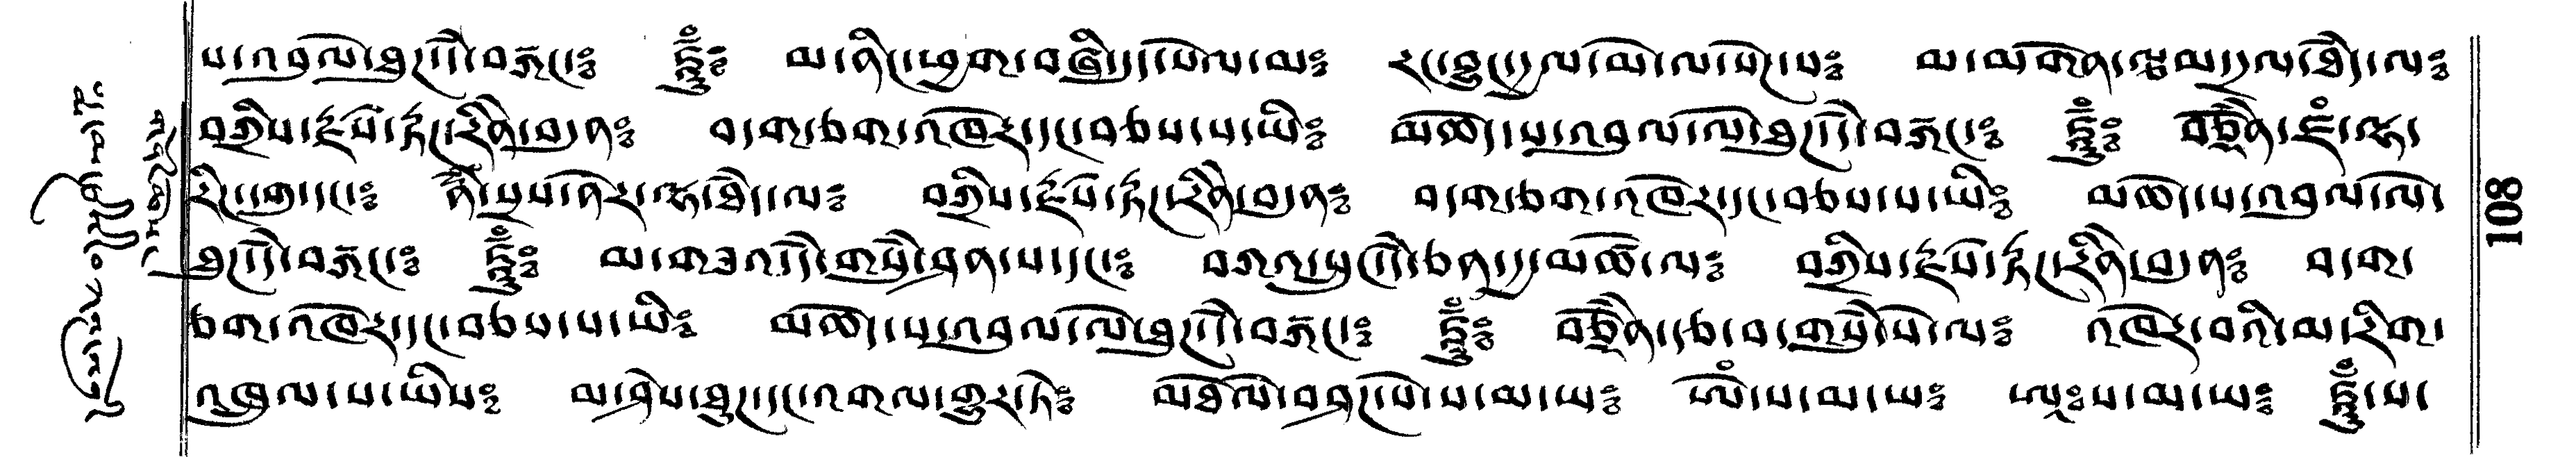པ་འབུལ་ལོ་ཐུགས་དམ་བསྐང༔ ཧཱུྃ༔ མ་ནིང་ཕྱག་བཞི་དུད་སོལ་མ༔ རང་བྱུང་རྒྱལ་མོ་ལ་སོགས་པ༔ མ་མགོན་ལྕམ་དྲལ་ཐམས་ཅད་ལ༔ 
བཀྲ་ཤིས་རྫས་རྟགས་རིན་ཆེན་བདུན༔ བདག་ཅག་འཁོར་དང་བཅས་པ་ཡི༔ མཆོད་པ་འབུལ་ལོ་ཐུགས་དམ་བསྐང༔ ཧཱུྃ༔ བཅོམ་ལྡན་ཛམ་ལ་
རིགས་དགུ་དང༔ རྣམ་སྲས་ནོར་ལྷ་ཐམས་ཅད་ལ༔ བཀྲ་ཤིས་རྫས་རྟགས་རིན་ཆེན་བདུན༔ བདག་ཅག་འཁོར་དང་བཅས་པ་ཡི༔ མཆོད་པ་འབུལ་ལོ་
ཐུགས་དམ་བསྐང༔ ཧཱུྃ༔ མ་གཟའ་དམ་གསུམ་ཤན་པ་དང༔ བཀའ་སྲུང་དམ་ཅན་རྒྱ་མཚོ་ལ༔ བཀྲ་ཤིས་རྫས་རྟགས་རིན་ཆེན་བདུན༔ བདག་
ཅག་འཁོར་དང་བཅས་པ་ཡི༔ མཆོད་པ་འབུལ་ལོ་ཐུགས་དམ་བསྐང༔ ཧཱུྃ༔ བཅོམ་ལྡན་རྩ་བ་གསུམ་པོ་ལ༔ འཁོར་བའི་མ་རིག་
འཁྲུལ་པ་ཡིས༔ མ་ཤེས་ཐུགས་དང་འགལ་གྱུར་ཏེ༔ མཐོལ་ལོ་བཤགས་སོ་ས་མ་ཡ༔ ཨོཾ་ས་མ་ཡ༔ ཨཱཿས་མ་ཡ༔ ཧཱུྃ་ས་